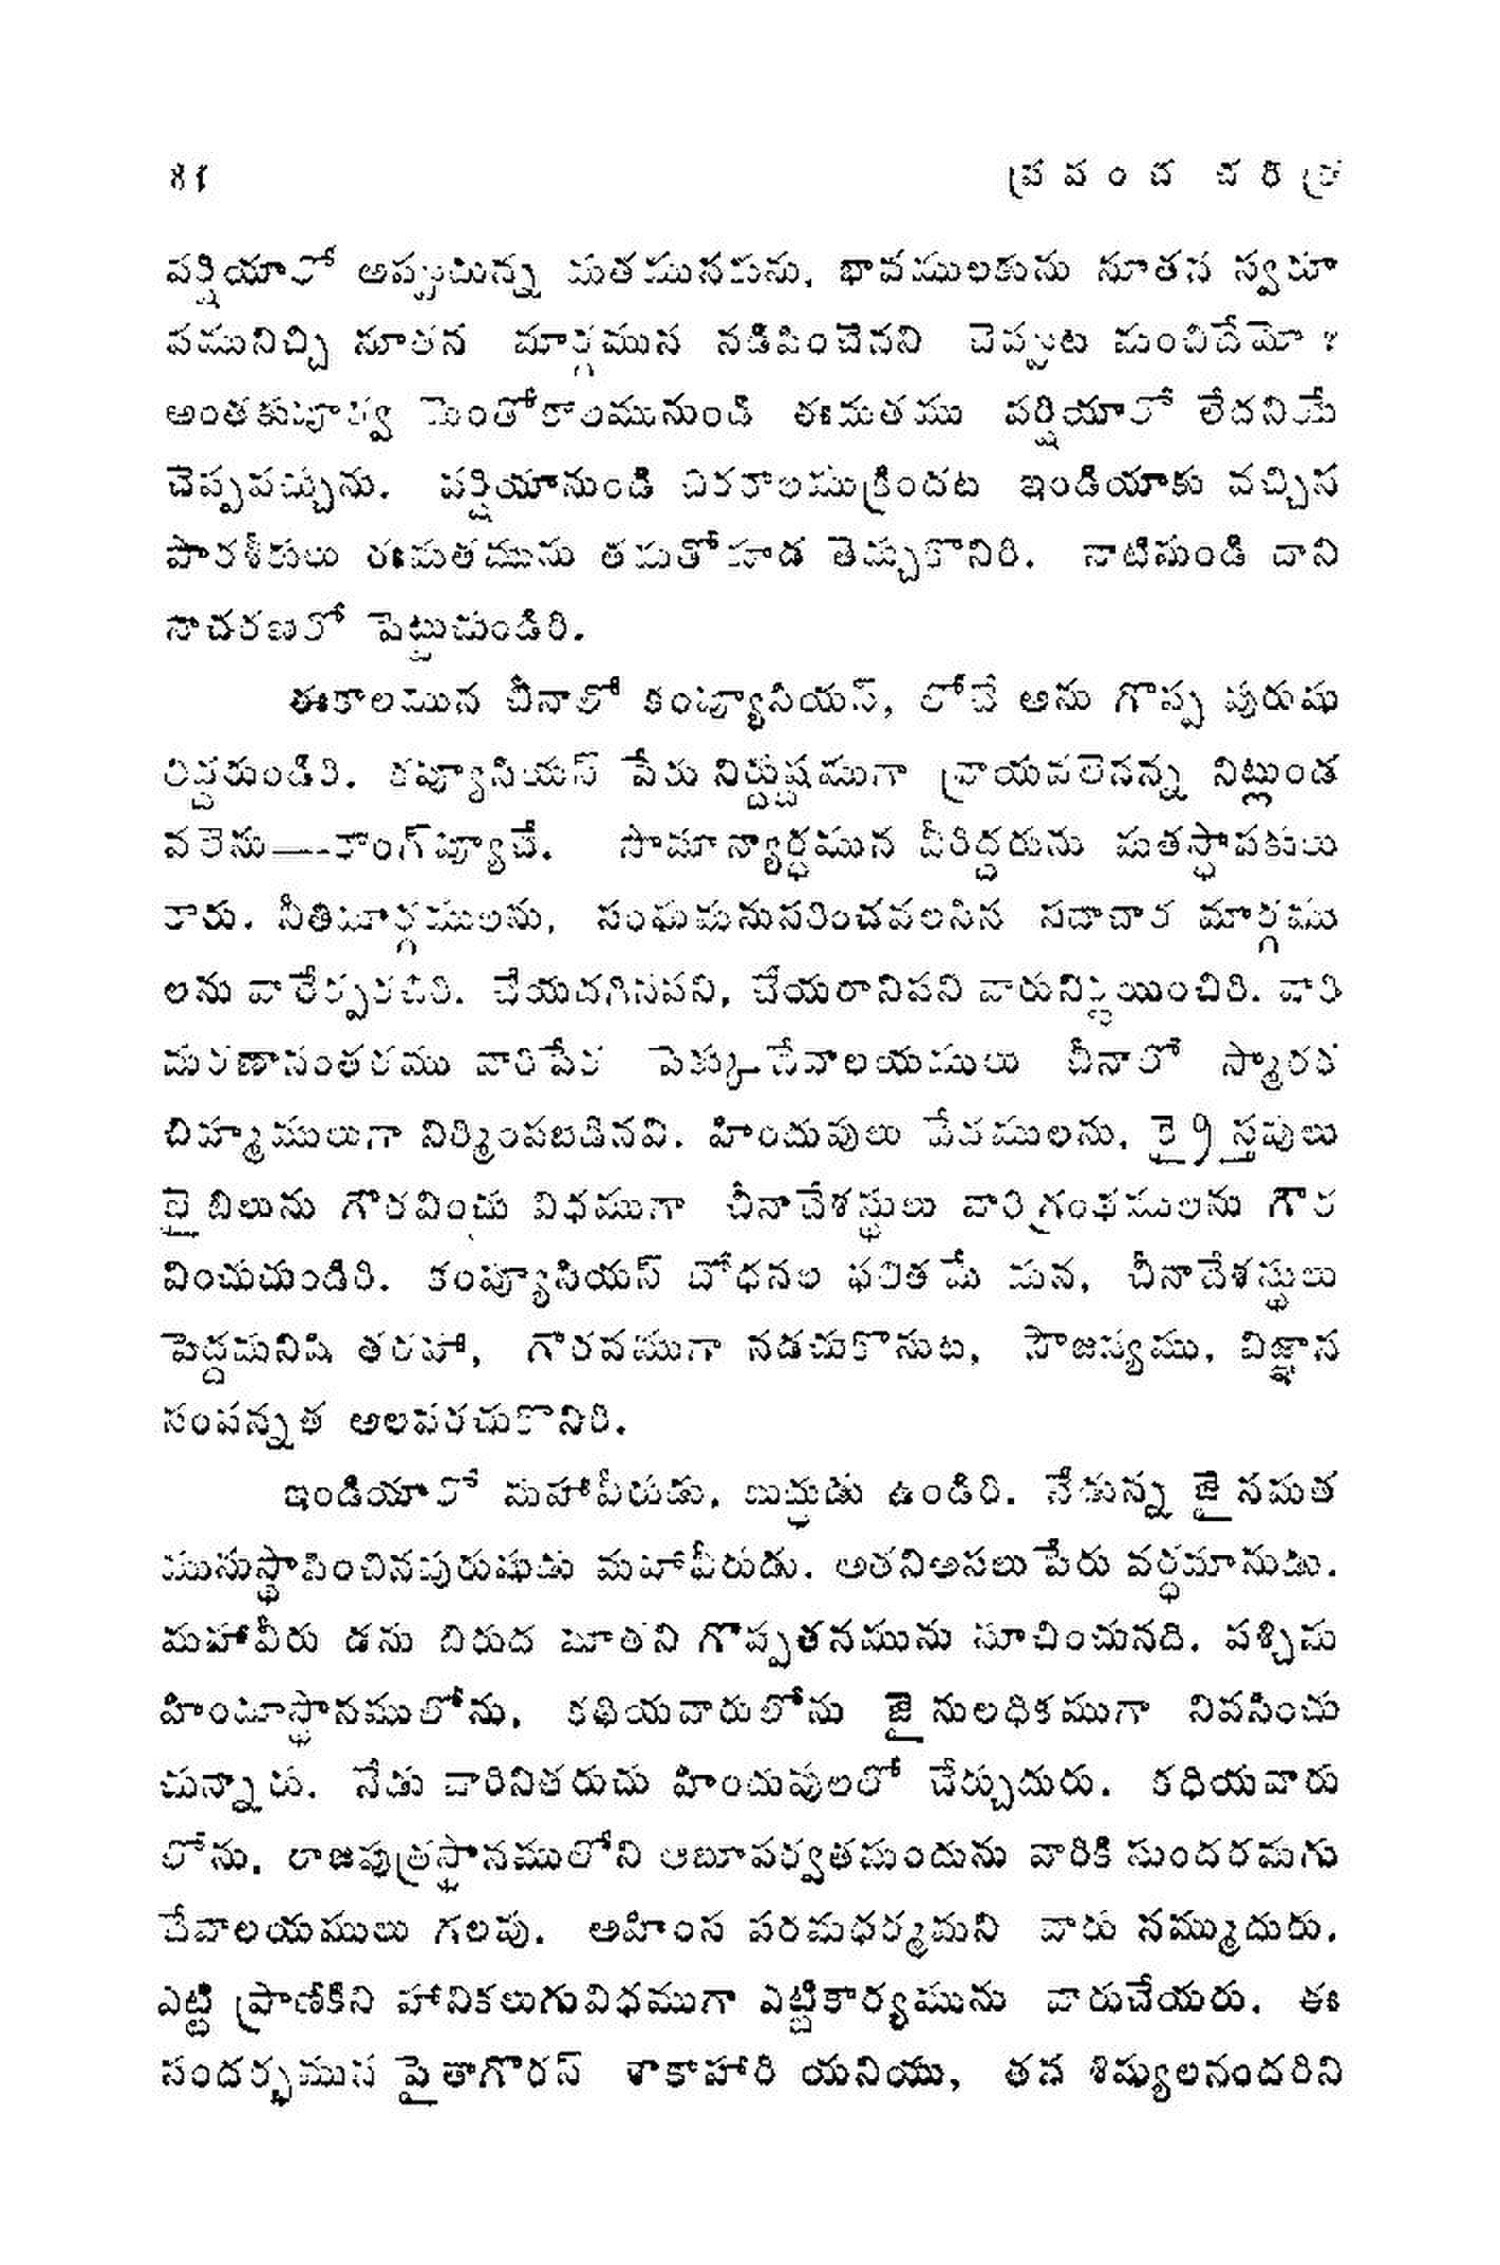పర్షియాలో అప్పుడున్న మతమునకును, భావములకును నూతన స్వరూపమునిచ్చి నూతన మార్గమున నడిపించెనని చెప్పుట మంచిదేమో? అంతకుపూర్వ మెంతోకాలమునుండి ఈమతము పర్షియాలో లేదనియే చెప్పవచ్చును. పర్షియానుండి చిరకాలముక్రిందట ఇండియాకు వచ్చిన పారశీకులు ఈమతమును తమతోకూడ తెచ్చుకొనిరి. నాటినుండి దాని నాచరణలో పెట్టుచుండిరి.

ఈకాలమున చినాలో కంప్యూసియస్, లోచే అను గొప్ప పురుషు లిద్దరుండిరి. కప్యూసియస్ పేరు నిర్దుష్టముగా వ్రాయవలెనన్న నిట్లుండ వలెను - కాంగ్‌ప్యూచే. సామాన్యార్ధమున వీరిద్దరును మతస్థాపకులు కారు. నీతిమార్గములను, సంఘమనుసరించవలసిన సదాచార మార్గములను వారేర్పరచిరి. చేయదగినపని, చేయరానిపని వారునిర్ణయించిరి. వారి మరణానంతరము వారిపేర పెక్కుదేవాలయములు చీనాలో స్మారక చిహ్మములుగా నిర్మింపబడినవి. హిందువులు వేదములను, క్రైస్తవులు బైబిలును గౌరవించు విధముగా చీనాదేశస్థులు వారి గ్రంధములను గౌరవించుచుండిరి. కంప్యూసియస్ బోధనల ఫలితమే మన, చీనాదేశస్థులు పెద్దమనిషి తరహా, గౌరవముగా నడచుకొనుట, సౌజన్యము, విజ్ఞాన సంపన్నత అలవరచుకొనిరి.

ఇండియాలో మహావీరుడు, బుద్ధుడు ఉండిరి. నేడున్న జైనమతమునుస్థాపించిన పురుషుడు మహావీరుడు. అతని అసలు పేరు వర్దమానుడు. మహావీరు డను బిరుద మాతని గొప్పతనమును సూచించునది. పశ్చిమ హిందూస్థానములోను, కథియవారులోను జైనులధికముగా నివసించుచున్నారు. నేడు వారినితరుచు హిందువులలో చేర్చుదురు. కథియవారులోను, రాజపుత్రస్థానములోని ఆబూపర్వతమందును వారికి సుందరమగు దేవాలయములు గలపు. అహింస పరమధర్మమని వారు నమ్ముదురు, ఎట్టి ప్రాణికిని హానికలుగువిధముగా ఎట్టికార్యమును వారుచేయరు. ఈ సందర్భమున పైతాగొరస్ శాకాహారి యనియు, తన శిష్యులనందరిని